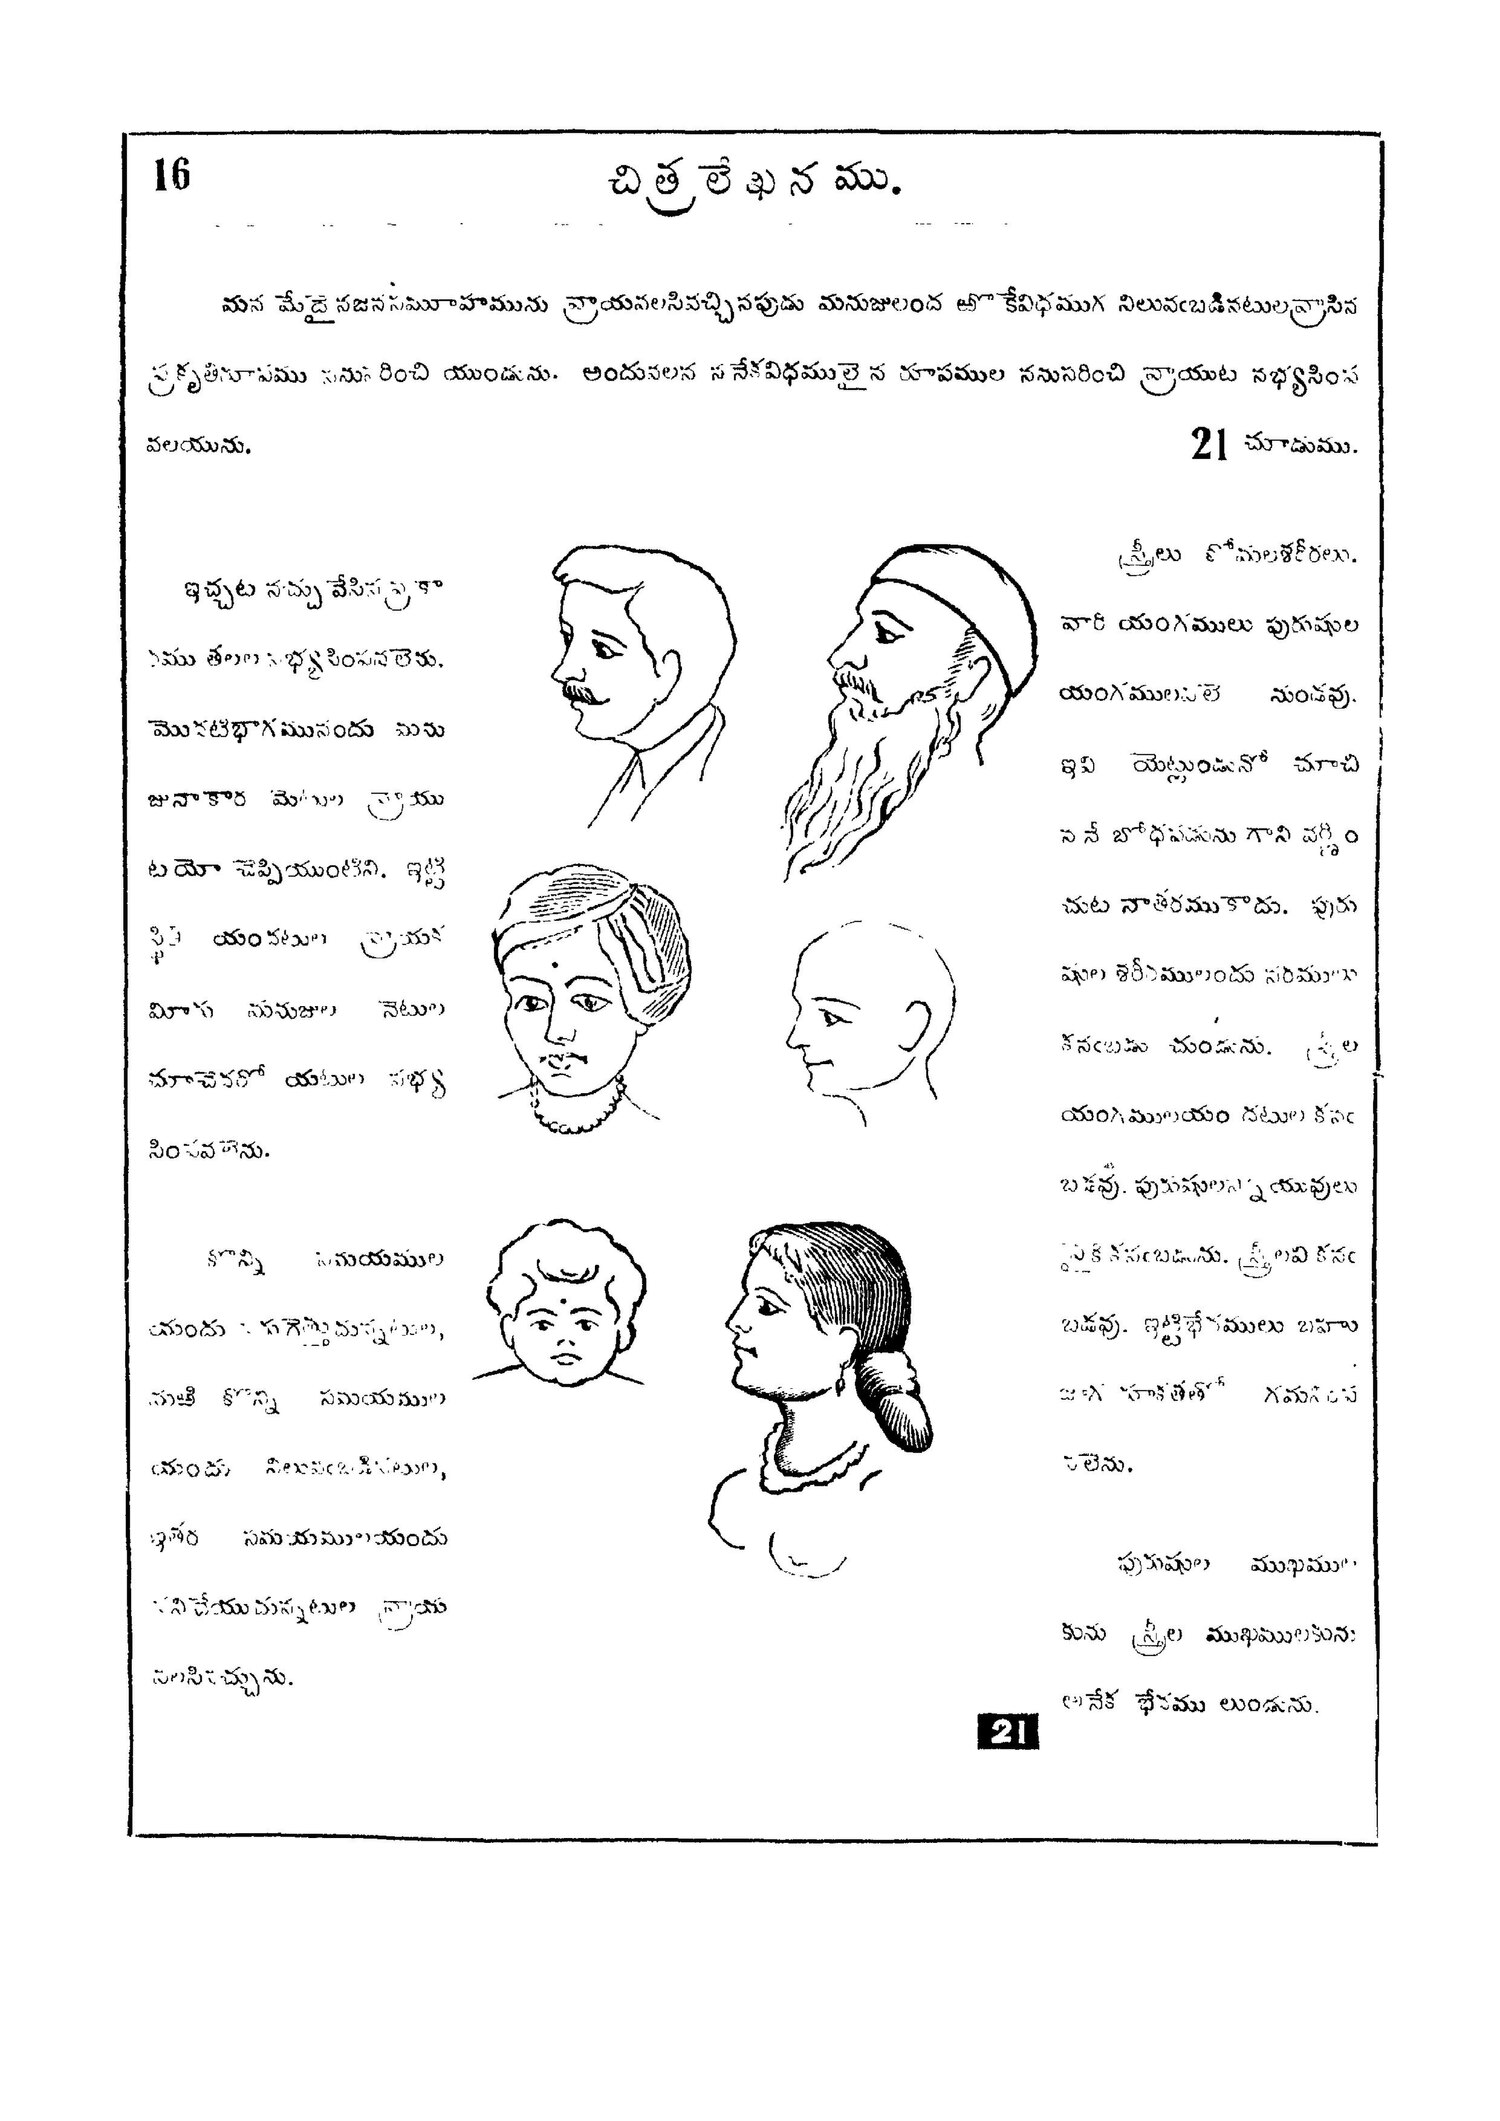మన మేదైన జనసమూహమును వ్రాయవలసివచ్చినపుడు మనుజులంద ఱొకేవిధముగ నిలువబడినటుల వ్రాసిన ప్రకృతిరూపము ననుసరించి యుండును. అందువలన ననేకవిధములైన రూపముల ననుసరించి వ్రాయుట నభ్యసింప వలయును. 21 చూడుము.

ఇచ్చట నచ్చువేసిన ప్రకారము తలల నభ్యసింపవలెను. మొదటిభాగమునందు మనుజునాకార మెటుల వ్రాయుటయో చెప్పియుంటిని. ఇట్టి స్థితి యందటుల వ్రాయక మీరు మనుజుల నెటుల చూచెదరో యటుల నభ్యసింపవలెను.

కొన్ని సమయముల యందు పరుగెత్తుచున్నటుల మఱి కొన్ని సమయముల యందు నిలుబడినటుల ఇతర సమయములయందు పనిచేయుచున్నటుల వ్రాయవలసివచ్చును.

స్త్రీలు కోమలశరీరలు. వారి యంగములు పురుషుల యంగములవలె నుండవు. ఇవి యెట్లుండునో చూచిననే బోధపడునుగాని వర్ణించుట నాతరము కాదు. పురుషుల శరీరములందు నరములు కనబడు చుండును. స్త్రీల యంగములయం దటుల కనంబడవు. పురుషుల స్నాయువులు పైకి కనబడును. స్త్రీలవి కనంబడవు. ఇట్టి భేదములు బహు జాగరూకతతో గమనింపవలెను.

పురుషుల ముఖములకును స్త్రీల ముఖములకును అనేక భేదము లుండును.